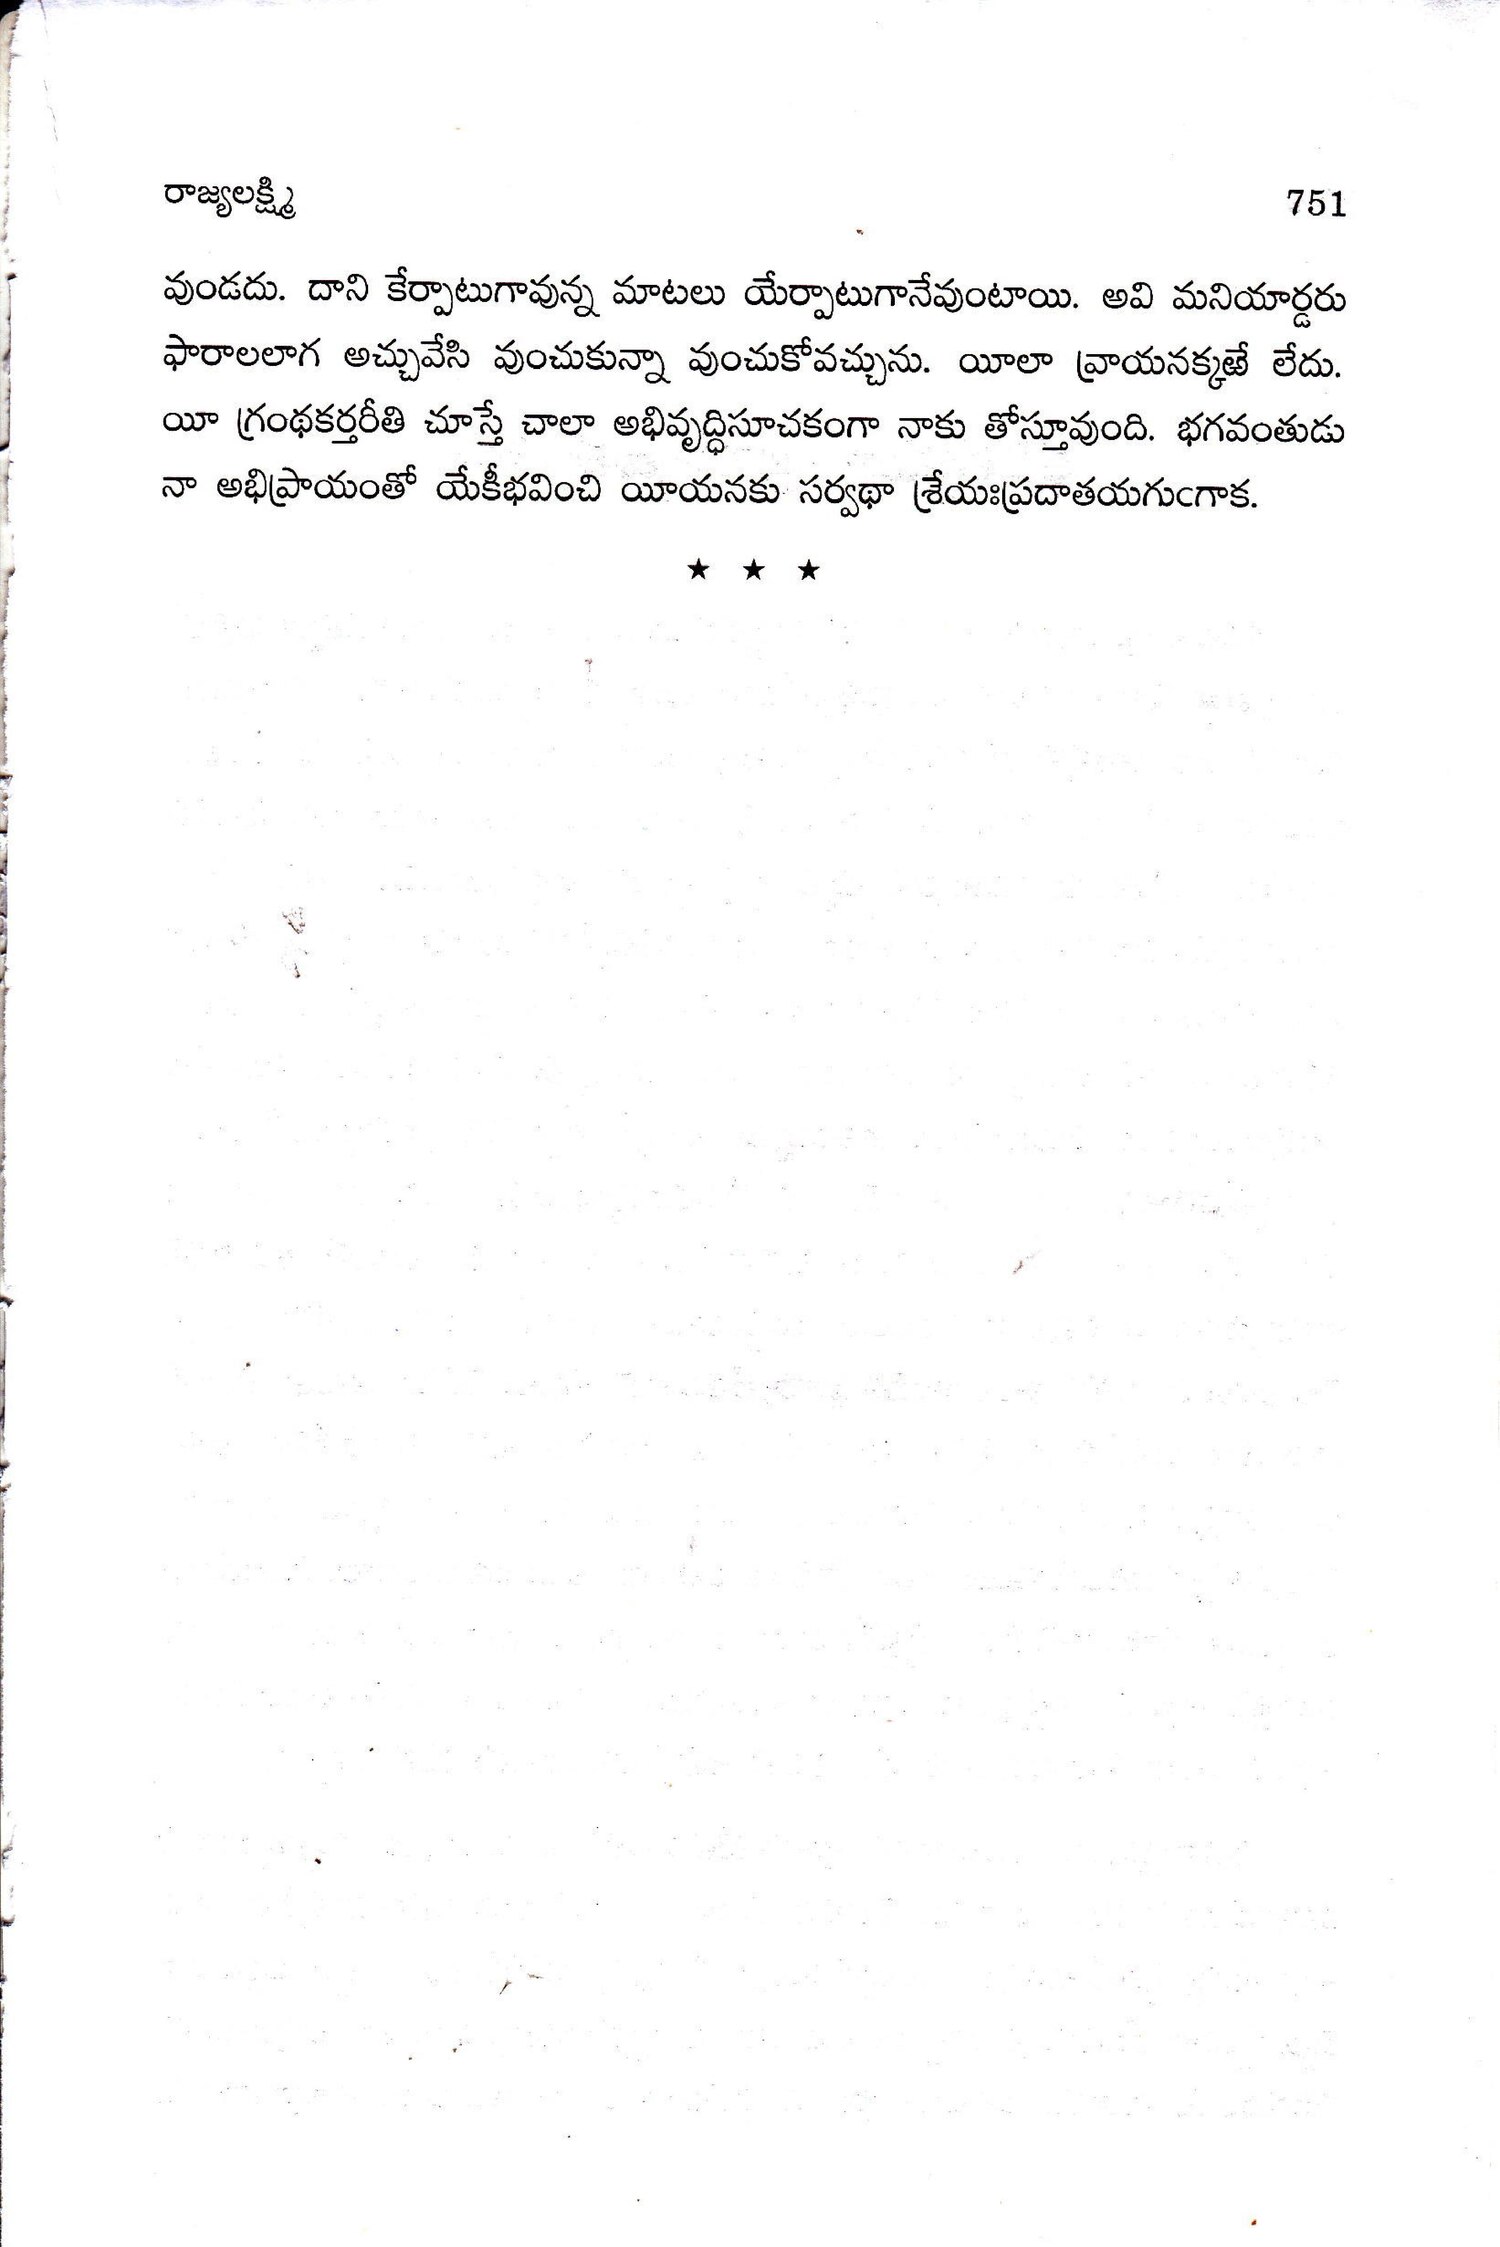వుండదు. దాని కేర్పాటుగావున్న మాటలు యేర్పాటుగానేవుంటాయి. అవి మనియార్డరు ఫారాలలాగ అచ్చువేసి వుంచుకున్నా వుంచుకోవచ్చును. యీలా వ్రాయనక్కఱే లేదు. యీ గ్రంథకర్తరీతి చూస్తే చాలా అభివృద్ధిసూచకంగా నాకు తోస్తూవుంది. భగవంతుడు నా అభిప్రాయంతో యేకీభవించి యీయనకు సర్వథా శ్రేయఃప్రదాతయగుcగాక.